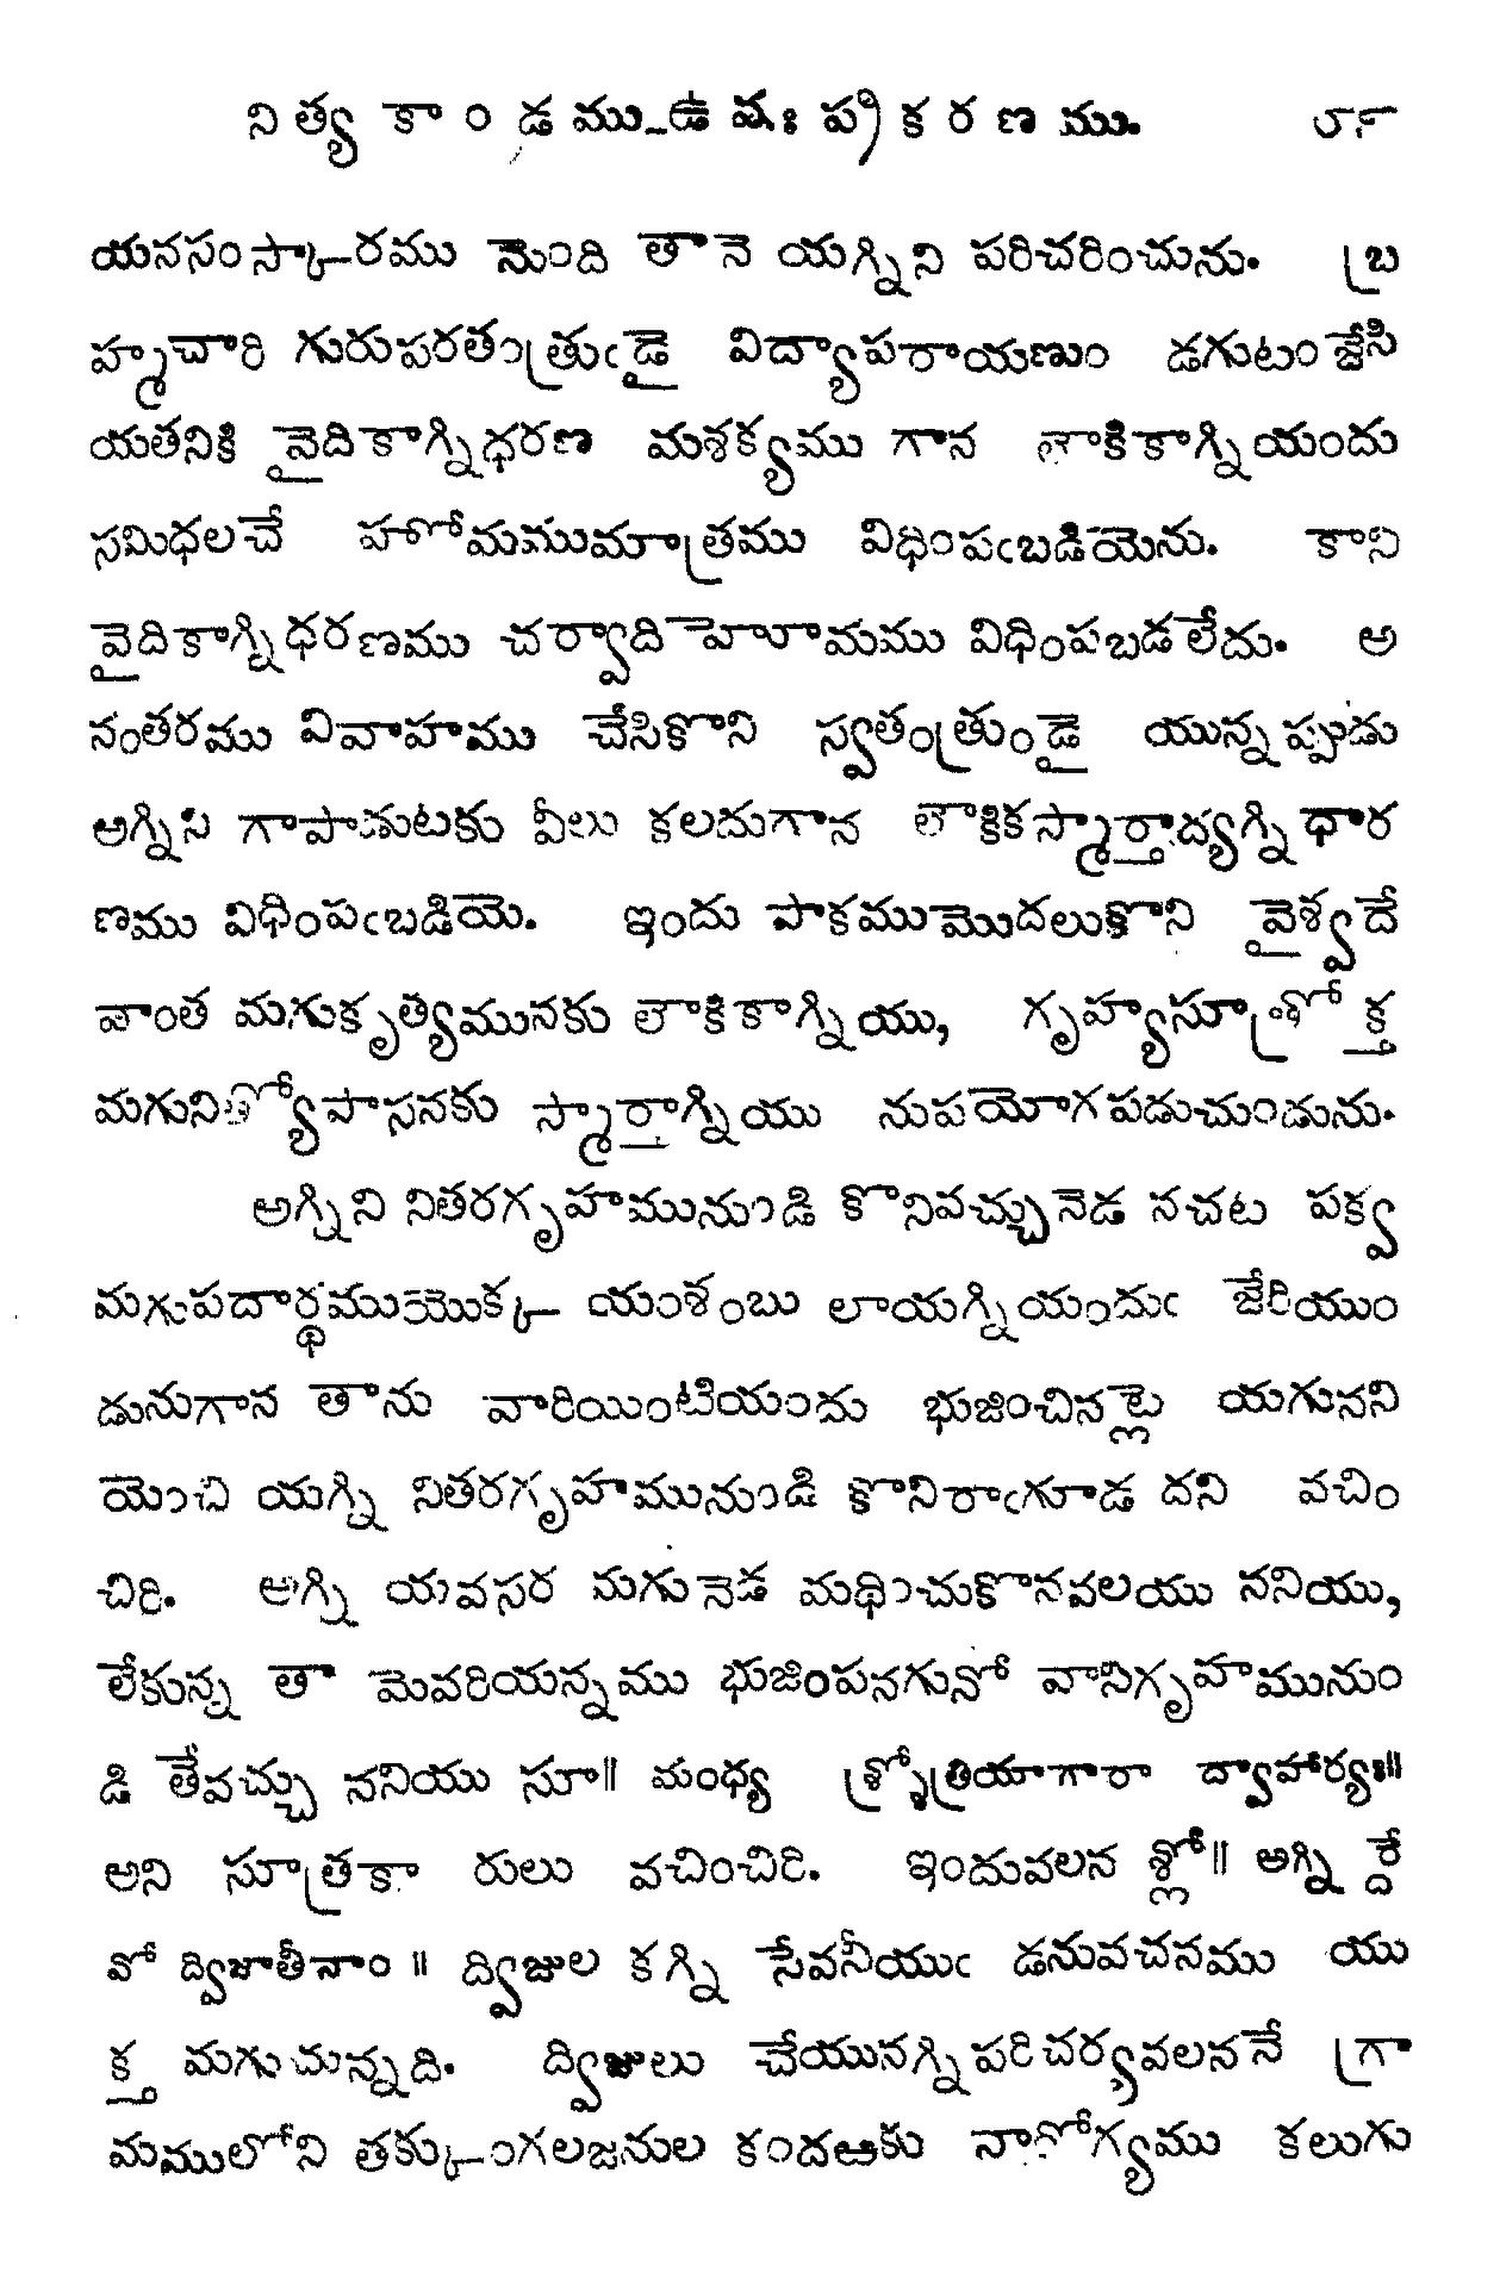యనసంస్కారము నొంది తానె యగ్నిని పరిచరించును. బ్రహ్మచారి గురుపరతంత్రుఁడై విద్యాపరాయణుం డగుటంజేసి యతనికి వైదికాగ్నిధరణ మశక్యము గాన లౌకికాగ్నియందు సమిధలచే హోమముమాత్రము విధింపఁబడియెను. కాని వైదికాగ్నిధరణము చర్వాదిహెూమము విధింపబడలేదు. అనంతరము వివాహము చేసికొని స్వతంత్రుండై యున్నప్పుడు అగ్నిని గాపాడుటకు వీలు కలదుగాన లౌకికస్మార్తాద్యగ్ని ధారణము విధింపఁబడియె. ఇందు పాకముమొదలుకొని వైశ్వదేవాంత మగుకృత్యమునకు లౌకికాగ్నియు, గృహ్యసూత్రోక్తమగునిత్యోపాసనకు స్మార్తాగ్నియు నుపయోగపడుచుండును.

అగ్నిని నితరగృహమునుండి కొనివచ్చునెడ నచట పక్వమగుపదార్థముయొక్క యంశంబు లాయగ్నియందుఁ జేరియుండునుగాన తాను వారియింటియందు భుజించినట్లె యగునని యెంచి యగ్ని నితరగృహమునుండి కొనిరాఁగూడ దని వచించిరి. అగ్ని యవసర మగునెడ మథించుకొనవలయు ననియు, లేకున్న తా మెవరియన్నము భుజింపనగునో వానిగృహమునుండి తేవచ్చు ననియు సూ॥ మంధ్య శ్శ్రోత్రియాగారా ద్వాహార్యః॥ అని సూత్రకారులు వచించిరి. ఇందువలన శ్లో॥ అగ్ని ర్దేవో ద్విజాతీనాం ॥ ద్విజుల కగ్ని సేవనీయుఁ డనువచనము యుక్త మగుచున్నది. ద్విజులు చేయునగ్నిపరిచర్యవలననే గ్రామములోని తక్కుంగలజనుల కందఱకు నారోగ్యము కలుగు